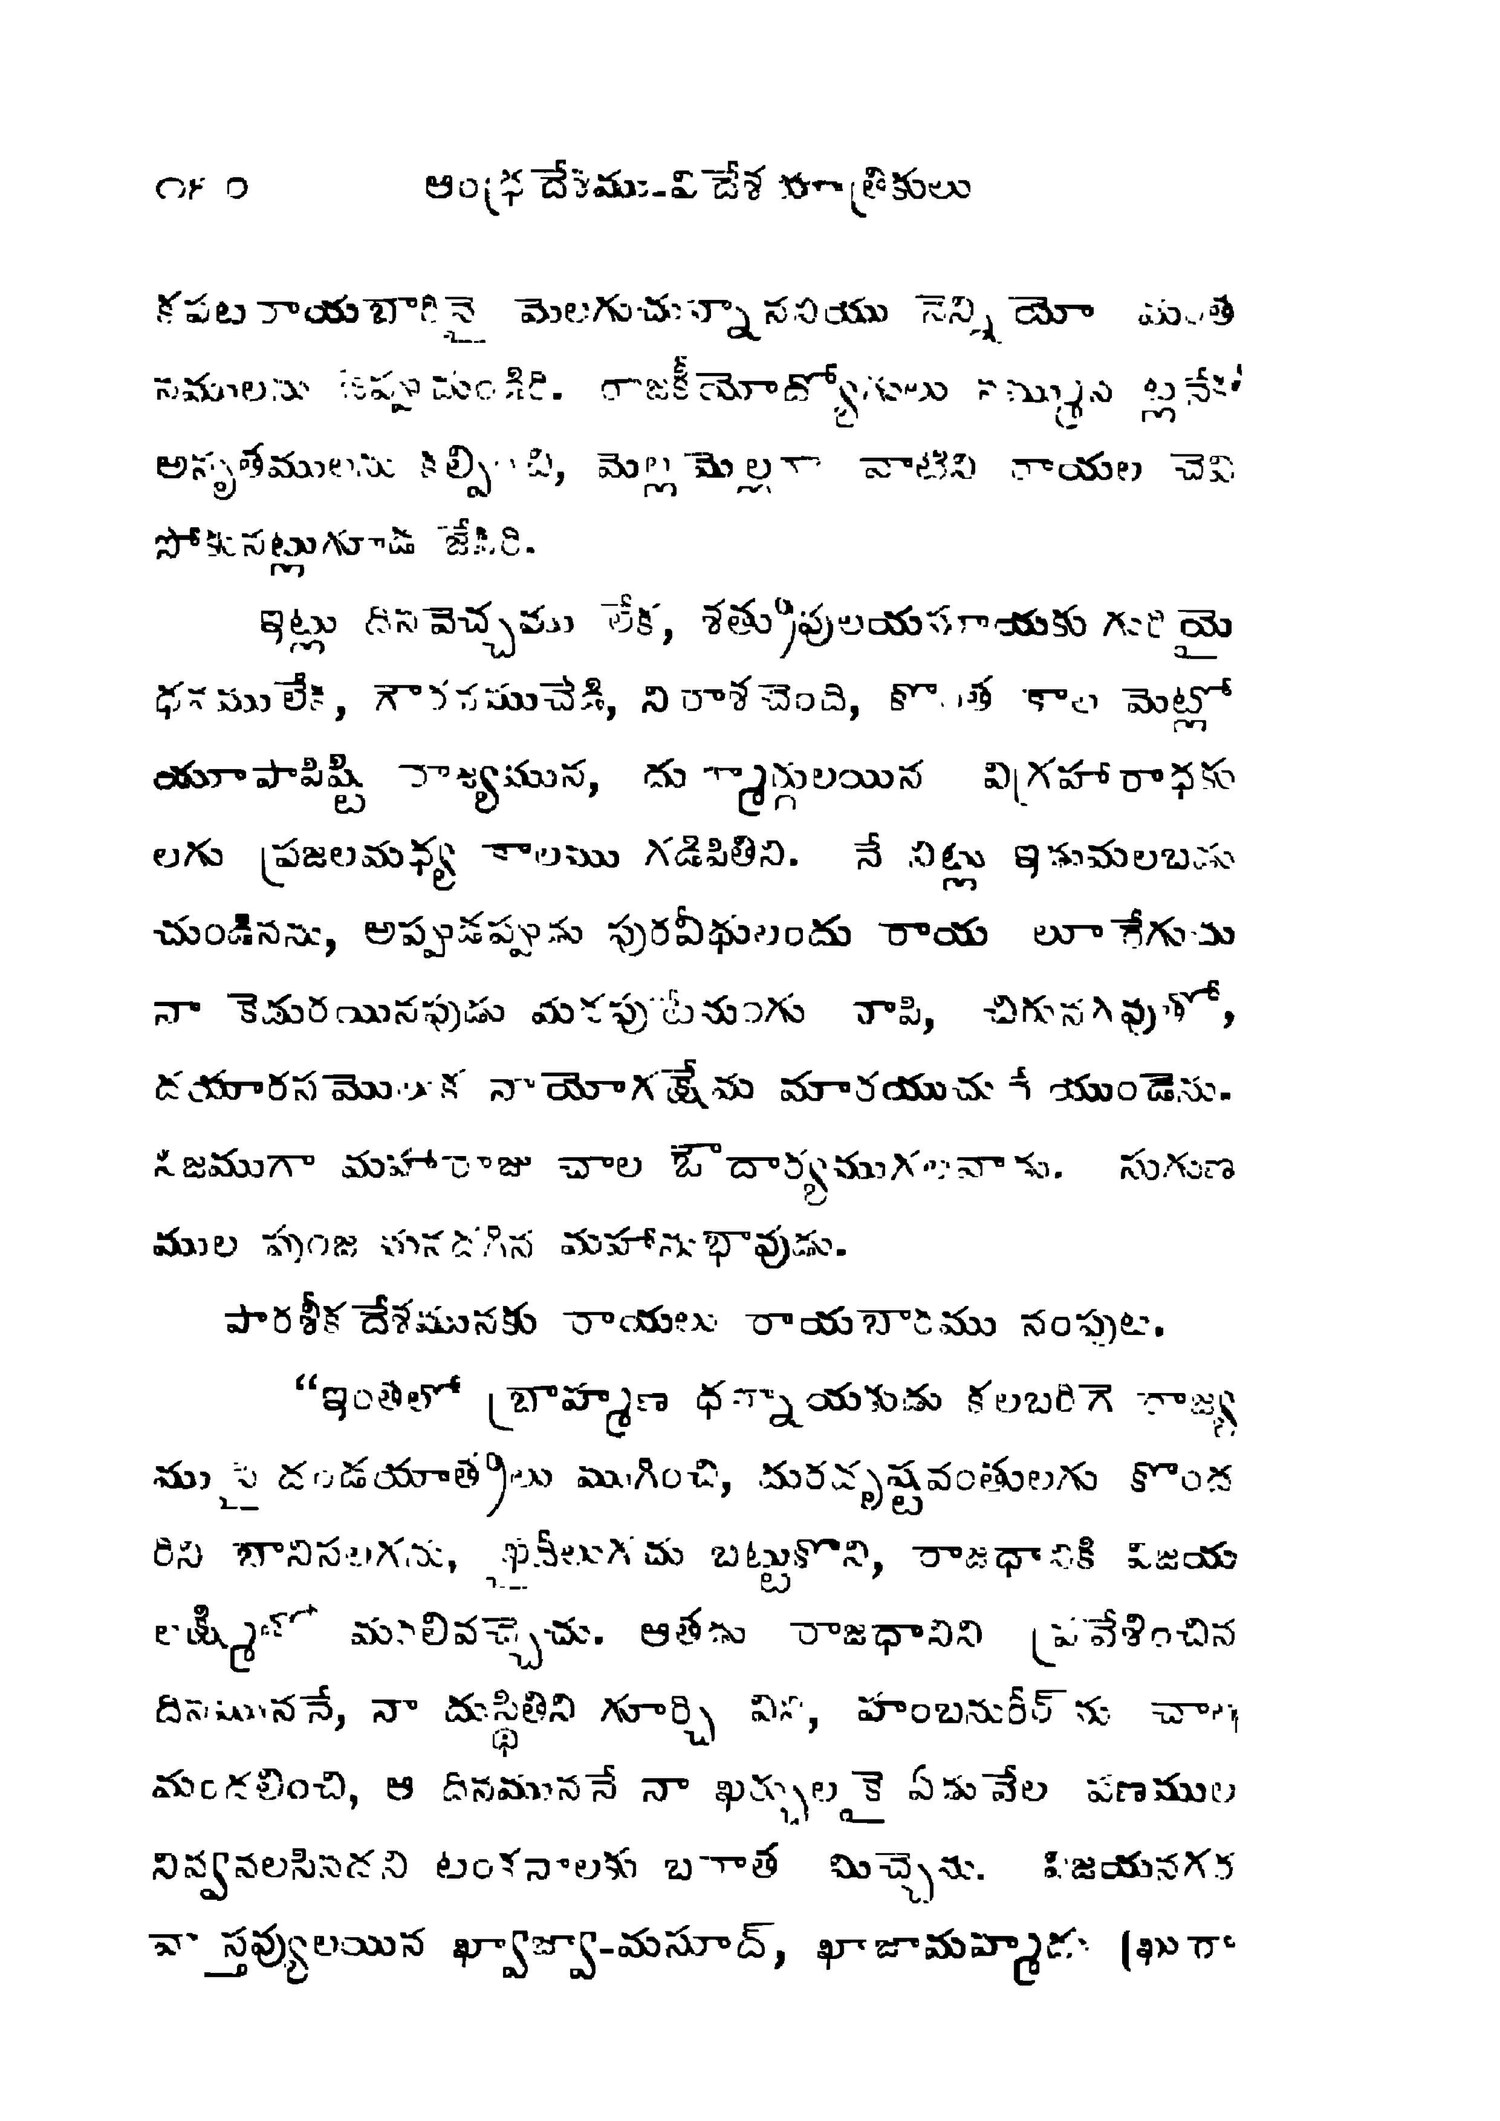కపటరాయబారినై మెలగుచున్నాననియు నెన్నియో మంతనములను జెప్పుచుండిరి. రాజకీయోద్యోగులు నమ్మునట్లనేక అనృతములను కల్పించి, మెల్లమెల్లగా వాటిని రాయల చెవిసోకునట్లుగూడ జేసిరి.

ఇట్లుదినవెచ్చము లేక, శత్రువుల యసూయకు గురియై ధనములేక, గౌరవముచెడి, నిరాశచెంది, కొంత కాలమెట్లో యాపాపిష్టి రాజ్యమున, దుర్మార్గులయిన విగ్రహారాధకులగు ప్రజలమధ్య కాలము గడిపితిని. నే నిట్లు ఇడుమల బడుచుండినను, అప్పుడప్పుడు పురవీథులందు రాయ లూరేగుచు నా కెదురయినపుడు మదపుటేనుంగు నాపి, చిరునగవుతో, దయారసమొలుక నాయోగక్షేమ మారయుచునే యుండెను. నిజముగా మహారాజు చాలా ఔదార్యము గలవాడు. సుగుణముల పుంజ మనదగిన మహానుభావుడు.

"ఇంతలో బ్రాహ్మణ ధన్నాయకుడు కలబరిగె రాజ్యముపై దండయాత్రలు ముగించి, దురదృష్టవంతులగు కొందరిని బానిసలగను, ఖైదీలుగచు బట్టుకొని, రాజధానికి విజయలక్ష్మీతో మరలివచ్చెచు. ఆతడు రాజధానిని ప్రవేశించిన దినముననే, నా దుస్థితిని గూర్చి విని, హంబనురీర్‌ను చాలమందలించి, ఆ దినముననే నా ఖర్చులకై ఏడువేల పణముల నివ్వవలసినదని టంకసాలకు బరాత మిచ్చెను. విజయనగర వాస్తవ్యులయిన ఖ్వాజ్వా-మసూద్, ఖజామమ్మదు (ఖురా